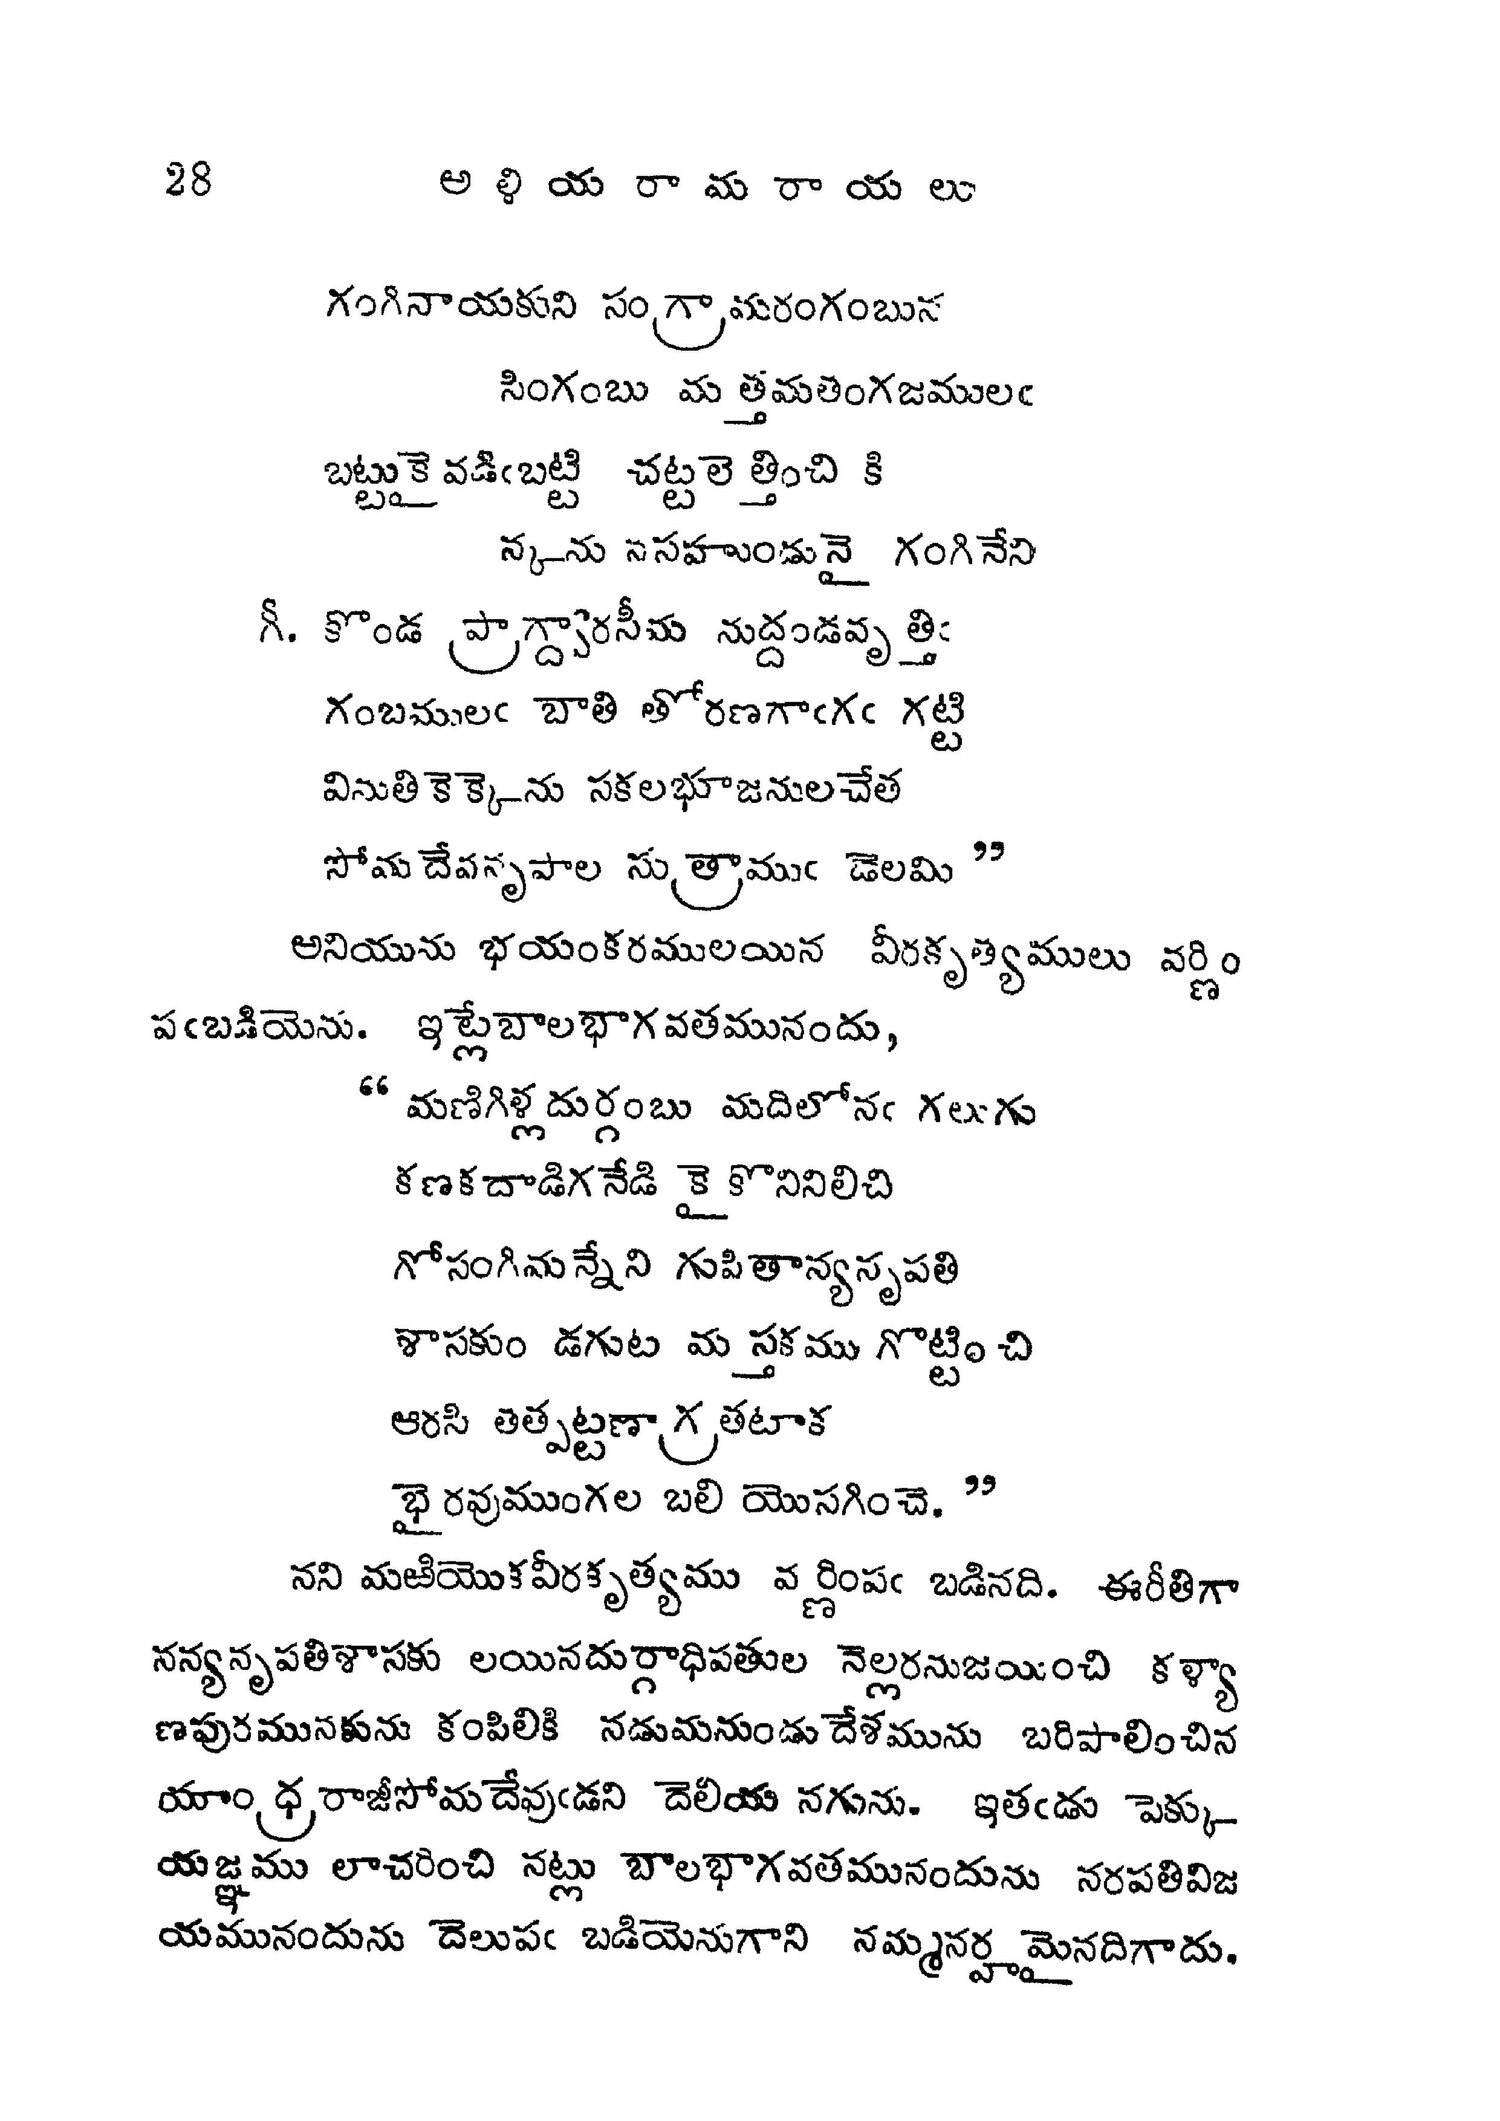గంగినాయకుని సంగ్రామరంగంబున
 సింగంబు మత్తమతంగజముల
 బట్టుకైవడిబట్టి చట్టలెత్తించి కి
 న్కను నసహుండునై గంగినేని

 గీ. కొండ ప్రగ్ద్వారసీమ నుద్దండవృత్తి
 గంబముల బాతి తోరణగాగ గట్టి
 వినుతికెక్కెను సకలభూజనులచేత
 సోమదేవనృపాల సుత్రాము డెలమి"

అనియును భయంకరములయిన వీరకృత్యములు వర్ణింపబడియెను. ఇట్లేబాలభాగవతమునందు,

 "మణిగిళ్లదుర్లంబు మదిలోన గలుగు
 కణకదాడిగనేడి కైకొనినిలిచి
 గోనంగిమన్నేని గుపితాన్యనృపతి
 శాసకుం డగుట మస్తకము గొట్టించి
 ఆరసి తత్పట్టణాగ్రతటాక
 భైరవుముంగల బలి యొసగించె."

నని మఱియొకవీరకృత్యము వర్ణింప బడినది. ఈరీతిగా నన్యనృపతిశాసకు లయినదుర్గాధిపతుల నెల్లరనుజయించి కళ్యాణపురమునకును కంపిలికి నడుమనుండుదేశమును బరిపాలించిన యాంధ్రరాజీసోమదేవుడని దెలియ నగును. ఇతడు పెక్కు యజ్ఞము లాచరించి నట్లు బాలభాగవతమునందును నరపతివిజయమునందును దెలుప బడియెనుగాని నమ్మనర్హమైనదిగాదు.